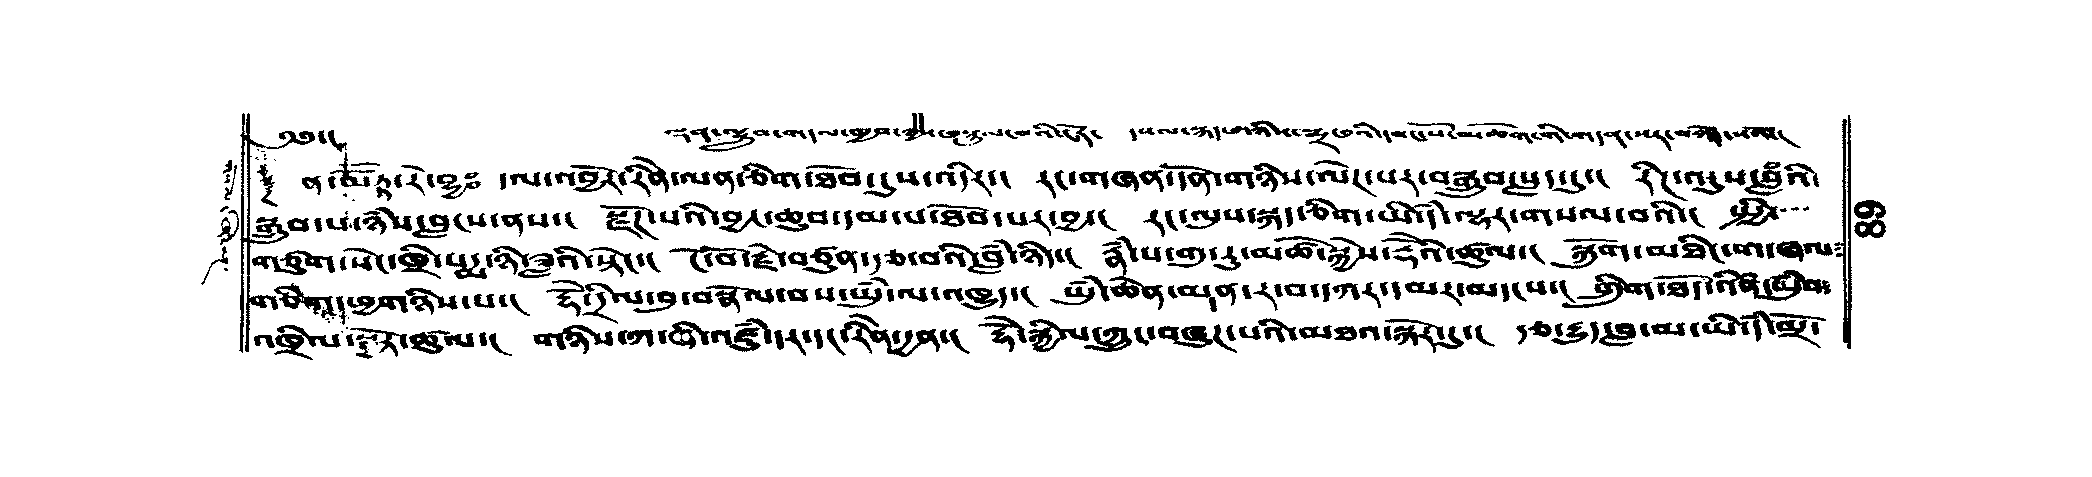ལྡན་ལྷུན་གྲུབ་ཁྱབ་གདལ་གྱིས་བསྐུལ་པའི་ངོར། དཔལ་སྐད་གཉིས་སྨྲ་བའི་དབང་པོ་མཆོག་གི་གདན་སར་བཀོད་པའོ།། 
༈ ན་མཽཏྟ་རེ་བྷྱཿ དལ་འབྱོར་རིན་ཆེན་ལན་ཅིག་ཐོབ་དུས་འདིར། །རང་གཞན་དོན་གཉིས་ལེགས་པར་བསྒྲུབ་སླད་དུ། །རིགས་འདུས་བླ་མའི་
སྒྲུབ་པ་ཉམས་བླངས་ནས། །རྫོགས་པའི་བྱང་ཆུབ་དམ་པ་ཐོབ་པར་བྱ། །རང་ལུས་སྐད་ཅིག་ཡི་དམ་ལྷར་གསལ་བའི། །སྤྱི་
གཙུག་སེང་ཁྲི་པདྨ་ཉི་ཟླའི་སྟེང་། །ངོ་བོ་རྗེ་བཙུན་རྩ་བའི་བླ་མ་ཉིད། །རྣམ་པ་གུ་རུ་མཚོ་སྐྱེས་རྡོ་རྗེའི་ཚུལ། །སྐུ་མདོག་མཐིང་ག་ཞལ་
གཅིག་ཕྱག་གཉིས་པ། །རྡོ་རྗེ་དྲིལ་བུ་བསྣོལ་བས་ཡུམ་ལ་འཁྱུད། །ཡུམ་ཆེན་མནྡ་ར་བ་དཀར་དམར་མདངས། །གྲི་གུག་ཐོད་འཛིན་ཡབ་ཡུམ་
འཁྲིལ་སྦྱོར་ཚུལ། །གཉིས་ཀ་ཞི་འཛུམ་དར་དང་རིན་ཆེན་རྒྱན། །རྡོ་རྗེ་སྐྱིལ་ཀྲུང་བཞུགས་པའི་མཐའ་སྐོར་དུ། །རྩ་རྒྱུད་བླ་མ་ཡི་དམ་མཁའ་འགྲོ་